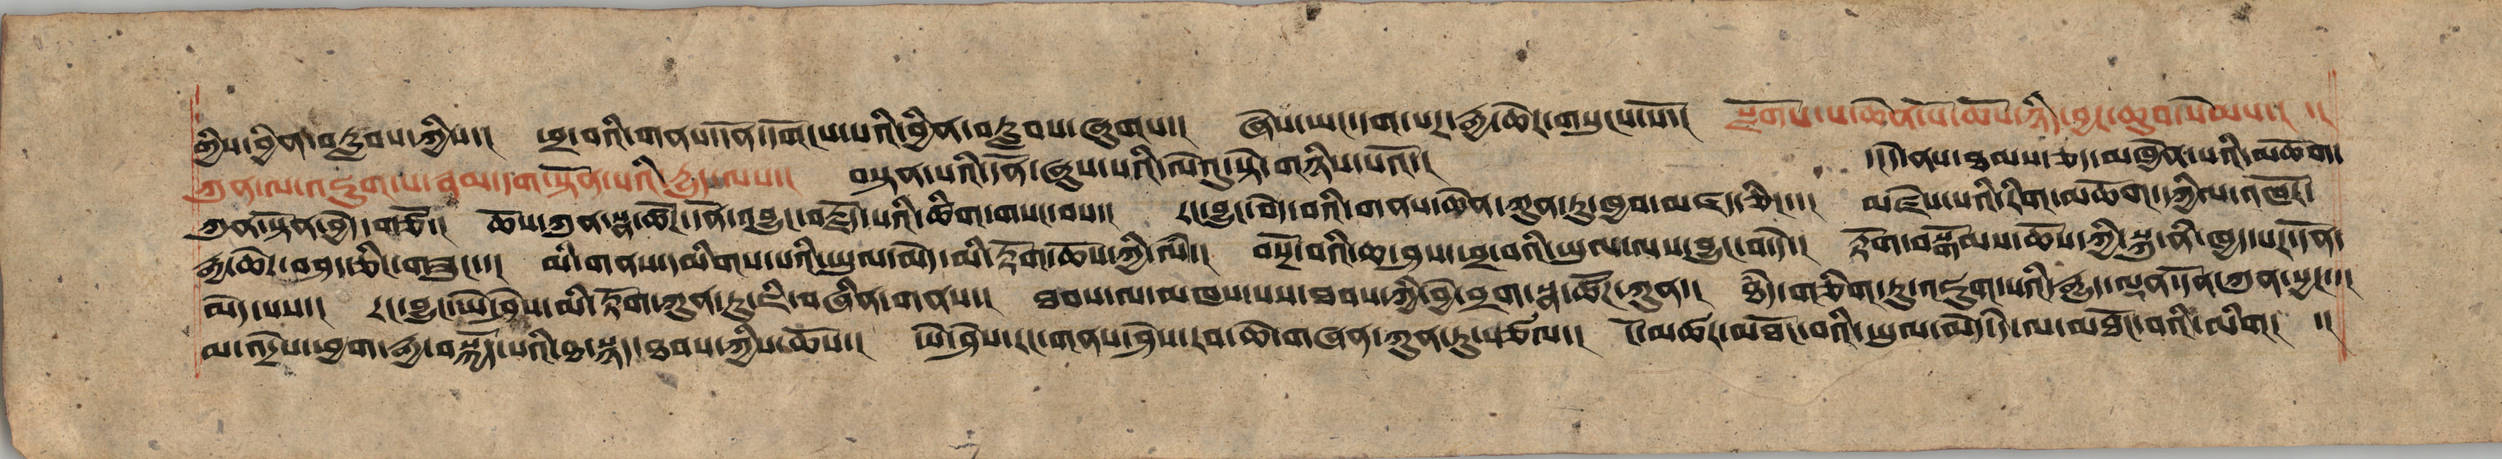གྱིས་བྱིན་བརླབས་ཀྱིས་། ཕྲ་བའི་གནས་དོན་དགོངས་པའི་བྱིན་བརླབས་ཞུགས་། ཞེས་ཡང་དག་པར་རྒྱ་ཆེར་གསུངས་སོ་། སྫོགས་པ་ཆེན་པོ་ཆོས་ཉིད་བྱང་ཆུབ་སེམས་། ་།།
ཀུན་ལ་འཇུག་པ་རྣམ་དག་སྟོན་པའི་དྱུད་ལས་། བསྟན་པའི་དོན་ཞུས་པའི་ལེའུ་སྟེ་གཉིས་པའོ་། ་།དེ་ནས་ཐམས་ཅད་མཁྱེན་པའི་མཆོག་
ཀུན་སྟོན་བྱེད་གཙོ་། ཆོས་ཀུན་སྣ་ཚོཌ་དོན་འབྱུང་བརྗོད་པའི་ཚིག་གསང་བས་། རང་བྱུང་བདེ་བའི་གནས་ཆེན་ཀུན་ཏུ་ཁྱབ་མཛད་ཅིང་་། མཛེས་པའི་རིག་མཆོག་དཀྱིལ་འཁོར་
རྒྱ་ཆེར་བཤད་ཅིང་གཟུང་་། མི་གནས་དམིགས་པའི་ཡུལ་མེད་མི་རྟོག་ཆོས་ཀྱི་ལཾ་། བསྔོ་བའི་ཆ་ཤས་ཕྲ་བའི་ཡུལ་ལས་བྱུང་བ་དེ་། རྟོག་བསྒོམས་ཆོས་ཀྱི་སྐུ་ནི་ཁྱད་པར་དོན་
མེད་པས་། རང་བྱུང་ཡེ་ཤེས་མི་རྟོག་ཀུན་ཏུ་ཇི་བཞིན་གནས་། ཐབས་ལ་མཁས་པས་ཐབས་ཀྱི་བྱེ་བྲག་སྣ་ཚོཌ་ཀུན་། ཐདཾ་གཅིག་ཏུ་འཇུག་པའི་རྒྱུད་ལྡན་དོན་ཀུན་སྱང་་།
མ་འདྲེས་ཕྱག་རྒྱ་བསྐྱོད་པའི་ཐ་སྙད་ཐབས་ཀྱིས་ཆོས་། ཡེ་ཤེས་རང་གནས་ཤེས་རབ་ཆེ་གཞན་ཀུན་ཏུ་རྩལ་། ངོ་མཚར་མཐོང་བའི་ཡུལ་མེད་དེ་ལ་མཐོང་བའི་མིག།